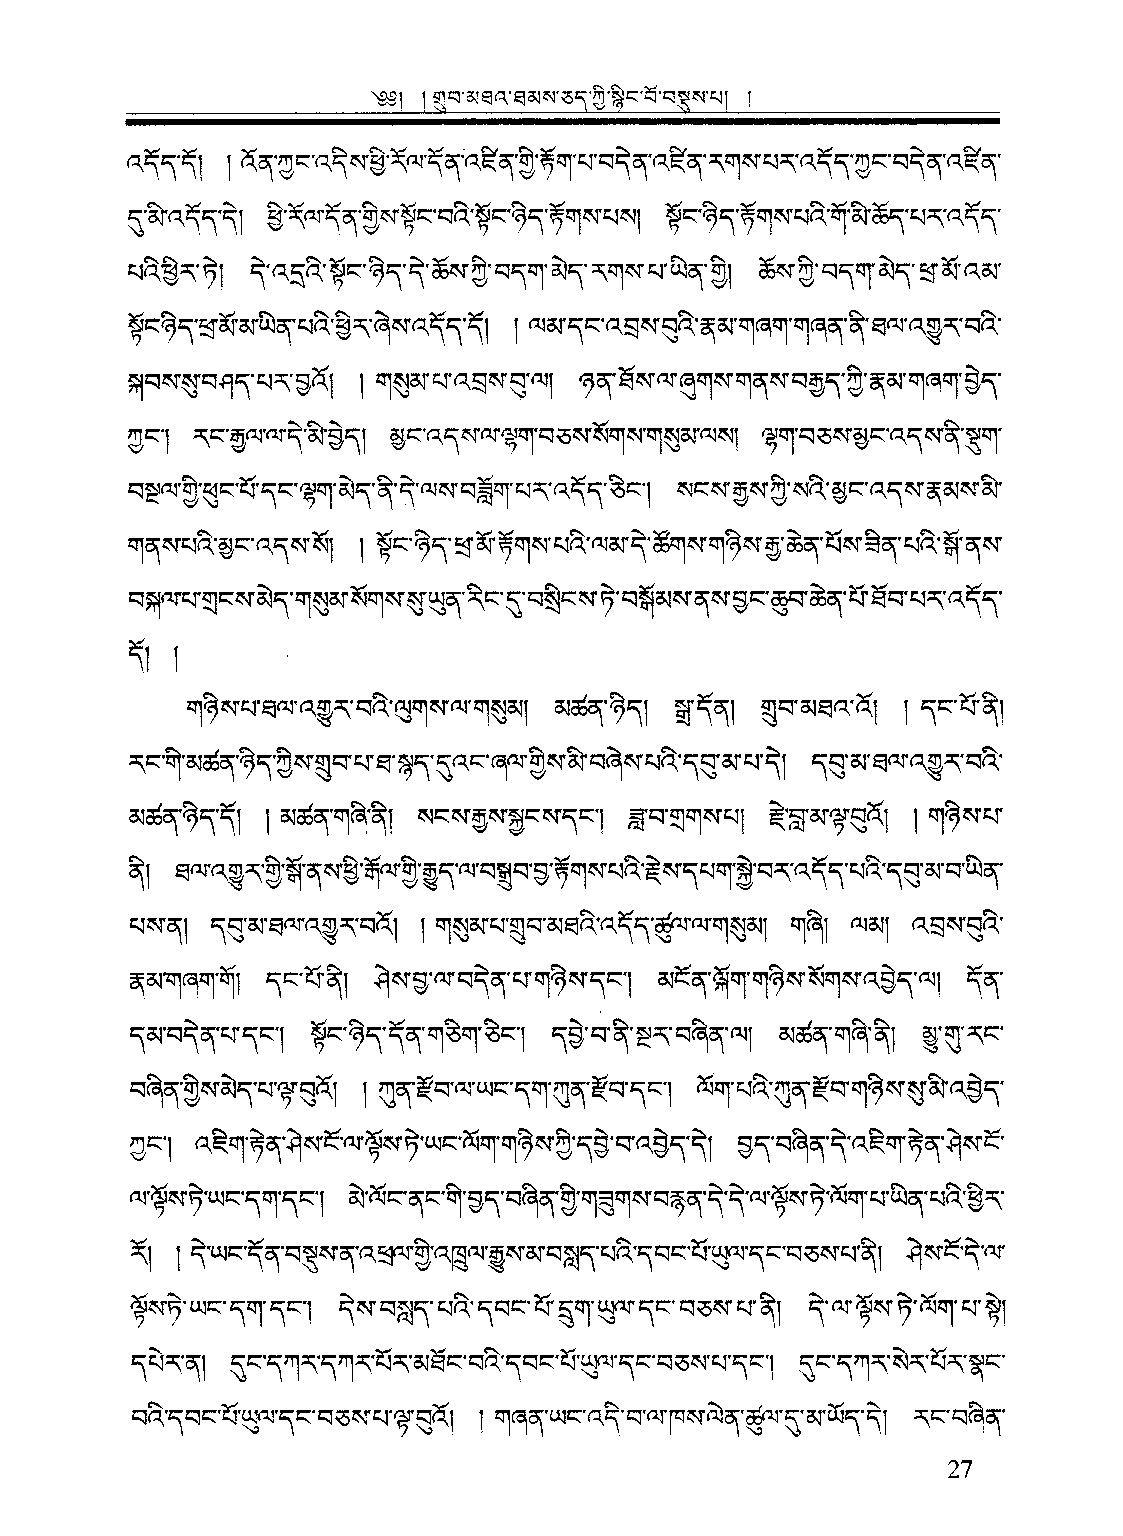འདོད་དོ། །འོན་ཀྱང་འདིས་ཕྱི་རོལ་དོན་འཛིན་གྱི་རྟོག་པ་བདེན་འཛིན་རགས་པར་འདོད་ཀྱང་བདེན་འཛིན་
དུ་མི་འདོད་དེ། ཕྱི་རོལ་དོན་གྱིས་སྟོང་བའི་སྟོང་ཉིད་རྟོགས་པས། སྟོང་ཉིད་རྟོགས་པའི་གོ་མི་ཆོད་པར་འདོད་
པའི་ཕྱིར་ཏེ། དེ་འདྲའི་སྟོང་ཉིད་དེ་ཆོས་ཀྱི་བདག་མེད་རགས་པ་ཡིན་གྱི། ཆོས་ཀྱི་བདག་མེད་ཕྲ་མོ་འམ་
སྟོང་ཉིད་ཕྲ་མོ་མ་ཡིན་པའི་ཕྱིར་ཞེས་འདོད་དོ། །ལམ་དང་འབྲས་བུའི་རྣམ་གཞག་གཞན་ནི་ཐལ་འགྱུར་བའི་
སྐབས་སུ་བཤད་པར་བྱའོ། །གསུམ་པ་འབྲས་བུ་ལ། ཉན་ཐོས་ལ་ཞུགས་གནས་བརྒྱད་ཀྱི་རྣམ་གཞག་བྱེད་
ཀྱང་། རང་རྒྱལ་ལ་དེ་མི་བྱེད། མྱང་འདས་ལ་ལྷག་བཅས་སོགས་གསུམ་ལས། ལྷག་བཅས་མྱང་འདས་ནི་སྡུག་
བསྔལ་གྱི་ཕུང་པོ་དང་ལྷག་མེད་ནི་དེ་ལས་བཟློག་པར་འདོད་ཅིང་། སངས་རྒྱས་ཀྱི་སའི་མྱང་འདས་རྣམས་མི་
གནས་པའི་མྱང་འདས་སོ། །སྟོང་ཉིད་ཕྲ་མོ་རྟོགས་པའི་ལམ་དེ་ཚོགས་གཉིས་རྒྱ་ཆེན་པོས་ཟིན་པའི་སྒོ་ནས་
བསྐལ་པ་གྲངས་མེད་གསུམ་སོགས་སུ་ཡུན་རིང་དུ་བསྲིངས་ཏེ་བསྒོམས་ནས་བྱང་ཆུབ་ཆེན་པོ་ཐོབ་པར་འདོད་
དོ། །
གཉིས་པ་ཐལ་འགྱུར་བའི་ལུགས་ལ་གསུམ། མཚན་ཉིད། སྒྲ་དོན། གྲུབ་མཐའ་འོ། །དང་པོ་ནི།
རང་གི་མཚན་ཉིད་ཀྱིས་གྲུབ་པ་ཐ་སྙད་དུའང་ཞལ་གྱིས་མི་བཞེས་པའི་དབུ་མ་པ་དེ། དབུ་མ་ཐལ་འགྱུར་བའི་
མཚན་ཉིད་དོ། །མཚན་གཞི་ནི། སངས་རྒྱས་སྐྱངས་དང་། ཟླ་བ་གྲགས་པ། རྗེ་བླ་མ་ལྟ་བུའོ། །གཉིས་པ་
ནི། ཐལ་འགྱུར་གྱི་སྒོ་ནས་ཕྱི་རྒོལ་གྱི་རྒྱུད་ལ་བསྒྲུབ་བྱ་རྟོགས་པའི་རྗེས་དཔག་སྐྱེ་བར་འདོད་པའི་དབུ་མ་བ་ཡིན་
པས་ན། དབུ་མ་ཐལ་འགྱུར་བའོ། །གསུམ་པ་གྲུབ་མཐའི་འདོད་ཚུལ་ལ་གསུམ། གཞི། ལམ། འབྲས་བུའི་
རྣམ་གཞག་གོ། དང་པོ་ནི། ཤེས་བྱ་ལ་བདེན་པ་གཉིས་དང་། མངོན་ལྐོག་གཉིས་སོགས་འབྱེད་ལ། དོན་
དམ་བདེན་པ་དང་། སྟོང་ཉིད་དོན་གཅིག་ཅིང་། དབྱེ་བ་ནི་སྔར་བཞིན་ལ། མཚན་གཞི་ནི། མྱུ་གུ་རང་
བཞིན་གྱིས་མེད་པ་ལྟ་བུའོ། །ཀུན་རྫོབ་ལ་ཡང་དག་ཀུན་རྫོབ་དང་། ལོག་པའི་ཀུན་རྫོབ་གཉིས་སུ་མི་འབྱེད་
ཀྱང་། འཇིག་རྟེན་ཤེས་ངོ་ལ་ལྟོས་ཏེ་ཡང་ལོག་གཉིས་ཀྱི་དབྱེ་བ་འབྱེད་དེ། བྱད་བཞིན་དེ་འཇིག་རྟེན་ཤེས་ངོ་
ལ་ལྟོས་ཏེ་ཡང་དག་དང་། མེ་ལོང་ནང་གི་བྱད་བཞིན་གྱི་གཟུགས་བརྙན་དེ་དེ་ལ་ལྟོས་ཏེ་ལོག་པ་ཡིན་པའི་ཕྱིར་
རོ། །དེ་ཡང་དོན་བསྡུས་ན་འཕྲལ་གྱི་འཁྲུལ་རྒྱུས་མ་བསླད་པའི་དབང་པོ་ཡུལ་དང་བཅས་པ་ནི། ཤེས་ངོ་དེ་ལ་
ལྟོས་ཏེ་ཡང་དག་དང་། དེས་བསླད་པའི་དབང་པོ་དྲུག་ཡུལ་དང་བཅས་པ་ནི། དེ་ལ་ལྟོས་ཏེ་ལོག་པ་སྟེ།
དཔེར་ན། དུང་དཀར་དཀར་པོར་མཐོང་བའི་དབང་པོ་ཡུལ་དང་བཅས་པ་དང་། དུང་དཀར་སེར་པོར་སྣང་
བའི་དབང་པོ་ཡུལ་དང་བཅས་པ་ལྟ་བུའོ། །གཞན་ཡང་འདི་བ་ལ་ཁས་ལེན་ཚུལ་དུ་མ་ཡོད་དེ། རང་བཞིན་